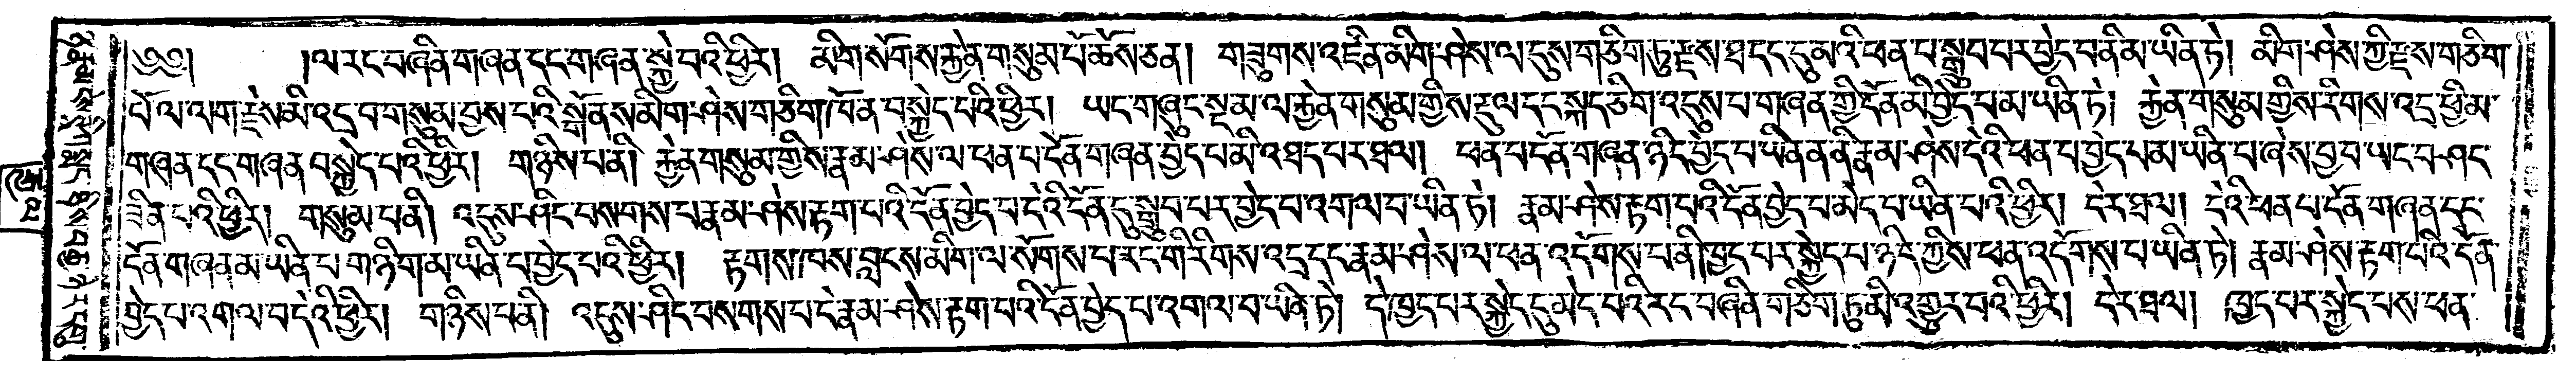༄༅། །ལ་རང་བཞིན་གཞན་དང་གཞན་སྐྱེ་བའི་ཕྱིར། མིག་སོགས་རྐྱེན་གསུམ་པོ་ཆོས་ཅན། གཟུགས་འཛིན་མིག་ཤེས་ལ་དུས་གཅིག་ཏུ་རྫས་ཐ་དད་དུ་མའི་ཕན་པ་སྒྲུབ་པར་བྱེད་པ་ནི་མ་ཡིན་ཏེ། མིག་ཤེས་ཀྱི་རྫས་གཅིག་
པོ་ལ་ལག་རྗེས་མི་འདྲ་བ་གསུམ་བྱས་པའི་སྒོ་ནས་མིག་ཤེས་གཅིག་ཁོ་ན་བསྐྱེད་པའི་ཕྱིར། ཡང་གཞུང་སྔ་མ་ལ་རྐྱེན་གསུམ་གྱིས་རྡུལ་དང་སྐད་ཅིག་འདུས་པ་གཞན་གྱི་དོན་མི་བྱེད་པ་མ་ཡིན་ཏེ། རྐྱེན་གསུམ་གྱིས་རིགས་འདྲ་ཕྱི་མ་
གཞན་དང་གཞན་བསྐྱེད་པའི་ཕྱིར། གཉིས་པ་ནི། རྐྱེན་གསུམ་གྱིས་རྣམ་ཤེས་ལ་ཕན་པ་དོན་གཞན་བྱེད་པ་མི་འཐད་པར་ཐལ། ཕན་པ་དོན་གཞན་ཉིད་བྱེད་པ་ཡིན་ན་ནི་རྣམ་ཤེས་དེའི་ཕན་པ་བྱེད་པ་མ་ཡིན་པ་ཞེས་བྱ་བ་ཡང་བཤད་
ཟིན་པའི་ཕྱིར། གསུམ་པ་ནི། འདུས་ཤིང་བསགས་པ་རྣམ་ཤེས་རྟག་པའི་དོན་བྱེད་པ་དེའི་དོན་དུ་སྒྲུབ་པར་བྱེད་པ་འགལ་བ་ཡིན་ཏེ། རྣམ་ཤེས་རྟག་པའི་དོན་བྱེད་པ་མེད་པ་ཡིན་པའི་ཕྱིར། དེར་ཐལ། དེའི་ཕན་པ་དོན་གཞན་དང་
དོན་གཞན་མ་ཡིན་པ་གཉིས་མ་ཡིན་པ་བྱེད་པའི་ཕྱིར། རྟགས་ཁས་བླངས་མིག་ལ་སོགས་པ་རང་གི་རིགས་འདྲ་དང་རྣམ་ཤེས་ལ་ཕན་འདོགས་པ་ནི་ཁྱད་པར་སྐྱེད་པ་ཉིད་ཀྱིས་ཕན་འདོགས་པ་ཡིན་ཏེ། རྣམ་ཤེས་རྟག་པའི་དོན་
བྱེད་པ་འགལ་བ་དེའི་ཕྱིར། གཉིས་པ་ནི། འདུས་ཤིང་བསགས་པ་དེ་རྣམ་ཤེས་རྟག་པའི་དོན་བྱེད་པ་འགལ་བ་ཡིན་ཏེ། དེ་ཁྱད་པར་སྐྱེད་དུ་མེད་པའི་རང་བཞིན་གཅིག་ཏུ་མི་འགྱུར་བའི་ཕྱིར། དེར་ཐལ། ཁྱད་པར་སྐྱེད་པས་ཕན་